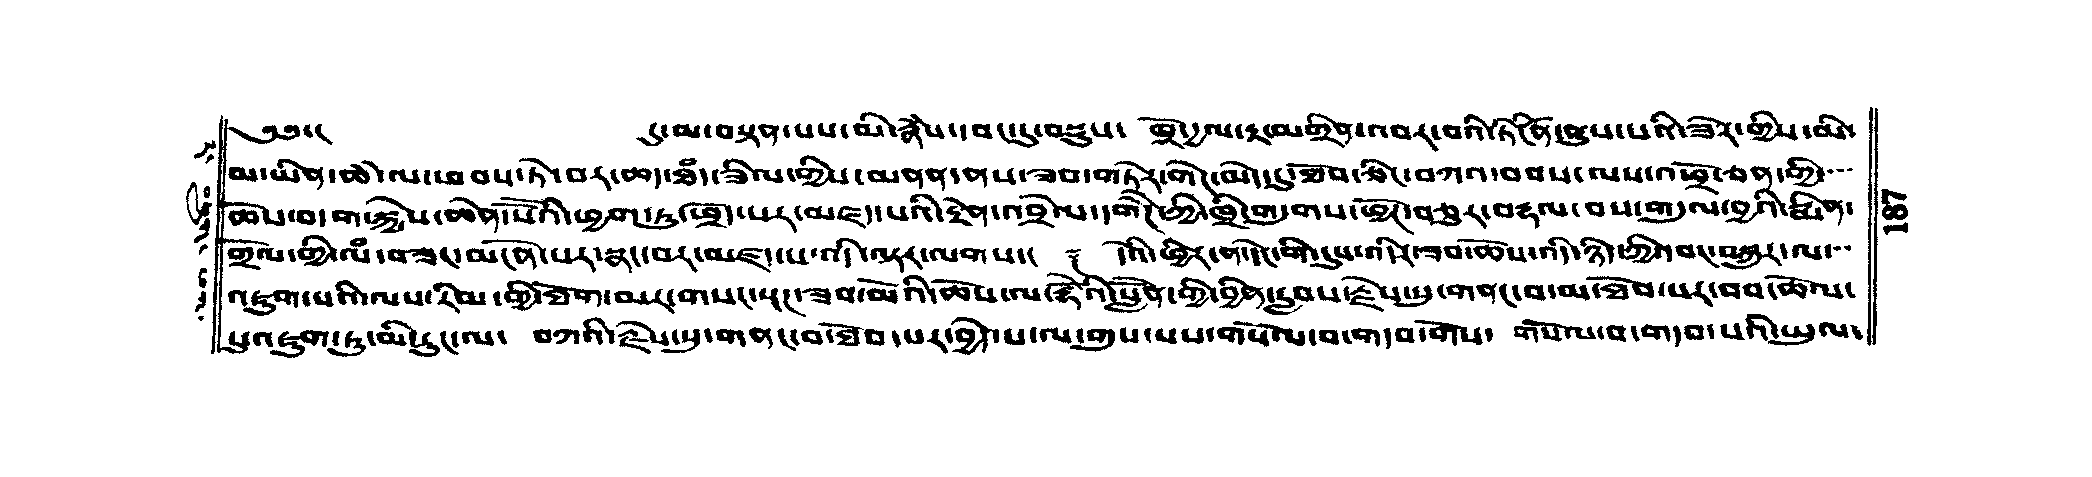དུ་མ་བསྟན་པས་མི་རྣམས་དབང་དུ་བསྡུས། ཁྲོ་རྒྱལ་རྟ་མགྲིན་འབར་བའི་ཏིང་འཛིན་ནུས་པའི་ཟེར་གྱིས་མི་
མ་ཡིན་ཆམ་ལ་ཕབས་ཏེ་བར་ཆད་ཐམས་ཅད་ཟིལ་གྱིས་མནན་ནས་ཟབ་གཏེར་གོང་མེད་དུ་ཐོབ་ཅིང་བཀའ་བབས་ལས་འཕྲོ་ཅན་གྱི་
ཆོས་བདག་སྐྱེས་ཆེན་སོ་སོའི་ཕྱག་ཏུ་ཕྲོད་པར་མཛད་པའི་རྟེན་འབྲལ་དགེ་ལེགས་ཀྱི་ཁྲི་གདུགས་ཕྱོགས་བཅུར་བརྡལ་བས་གདུལ་བྱའི་སྨིན་
གྲོལ་གྱི་ལམ་བཟང་མངོན་པར་སྣང་བར་མཛད་པ་འདི་ལྟར་ལགས། ༈ དེའི་ཕྱིར་ན་དེང་གི་དུས་འདིར་ཟབ་ཆོས་འདི་ཉིད་ཀྱི་དབང་བསྐུར་ལ་
འཇུག་པའི་ལས་རིམ་གྱི་ཐོག་མར་གསང་སྔགས་ཟབ་མོའི་ཆོས་ལ་རྡོ་རྗེའི་སློབ་དཔོན་གྱི་བྱིན་རླབས་རྗེས་སུ་གནང་བ་མ་ཐོབ་པར་བབ་ཆོལ་
དུ་འཇུག་ཏུ་མི་རུང་ལ། བཀའི་རྗེས་སུ་གནང་བ་ཐོབ་པར་བྱེད་པ་ལ་གུས་པས་གསོལ་བ་གདབ་གོས། གསོལ་བ་གདབ་པའི་ཡུལ་